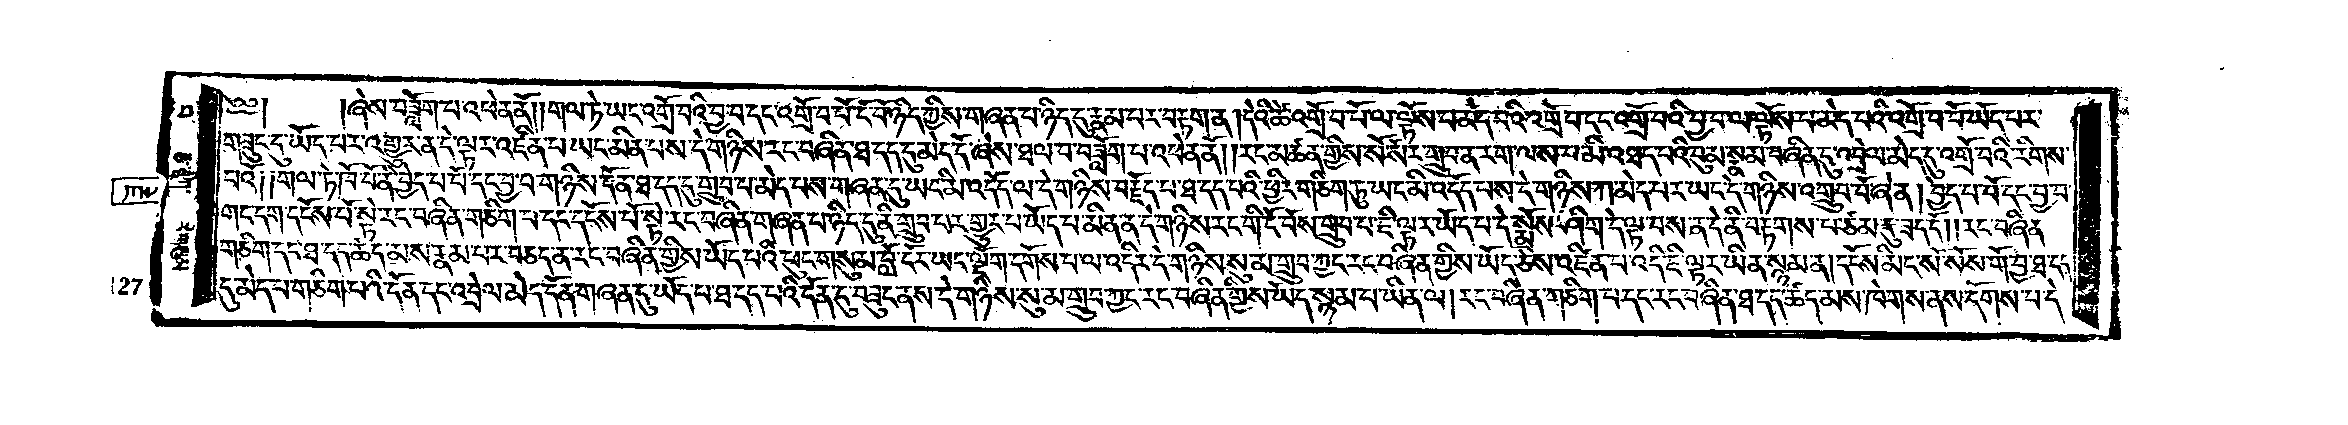༄༅། །ཞེས་བཟློག་པ་འཕེན་ནོ། །གལ་ཏེ་ཡང་འགྲོ་བའི་བྱ་བ་དང་འགྲོ་བ་པོ་ངོ་བོ་ཉིད་ཀྱིས་གཞན་པ་ཉིད་དུ་རྣམ་པར་བརྟག་ན། དེའི་ཚེ་འགྲོ་བ་པོ་ལ་ལྟོས་པ་མེད་པའི་འགྲོ་བ་དང་འགྲོ་བའི་བྱ་བ་ལ་ལྟོས་པ་མེད་པའི་འགྲོ་བ་པོ་ཡོད་པར་
གཟུང་དུ་ཡོད་པར་འགྱུར་ན་དེ་ལྟར་འཛིན་པ་ཡང་མིན་པས་དེ་གཉིས་རང་བཞིན་ཐ་དད་དུ་མེད་དོ་ཞེས་ཐལ་བ་བཟློག་པ་འཕེན་ནོ། །རང་མཚན་གྱིས་སོ་སོར་གྲུབ་ན་རག་ལས་པ་མི་འཐད་པའི་བུམ་སྣམ་བཞིན་དུ་འབྲེལ་མེད་དུ་འགྲོ་བའི་རིགས་
པའོ༑ ༑གལ་ཏེ་ཁོ་བོ་ནི་བྱེད་པ་པོ་དང་བྱ་བ་གཉིས་དོན་ཐ་དད་དུ་གྲུབ་པ་མེད་པས་གཞན་དུ་ཡང་མི་འདོད་ལ་དེ་གཉིས་བརྗོད་པ་ཐ་དད་པའི་ཕྱིར་གཅིག་ཏུ་ཡང་མི་འདོད་པས་དེ་གཉིས་ཀ་མེད་པར་ཡང་དེ་གཉིས་འགྲུབ་བོ་ཞེ་ན། བྱེད་པ་པོ་དང་བྱ་བ་
གང་དག་དངོས་པོ་སྟེ་རང་བཞིན་གཅིག་པ་དང་དངོས་པོ་སྟེ་རང་བཞིན་གཞན་པ་ཉིད་དུ་ནི་གྲུབ་པར་གྱུར་པ་ཡོད་པ་མིན་ན་དེ་གཉིས་རང་གི་ངོ་བོས་གྲུབ་པ་ཇི་ལྟར་ཡོད་པ་དེ་སྨོས་ཤིག་དེ་ལྟ་བས་ན་དེ་ནི་བརྟགས་པ་ཙམ་དུ་ཟད་དོ། །རང་བཞིན་
གཅིག་དང་ཐ་དད་ཚེད་མས་རྣམ་པར་བད་ན་རང་བཞིན་གྱིས་ཡོད་པའི་ཕུང་གསུམ་བློ་ངོར་ཡང་ལྡོག་དགོས་པ་ལ་འདིར་དེ་གཉིས་སུ་མ་གྲུབ་ཀྱང་རང་བཞིན་གྱིས་ཡོད་ཅེས་འཛིན་པ་འདི་ཇི་ལྟར་ཡིན་སྙམ་ན། དངོས་མིང་སོ་སོས་གོ་བྱ་ཐ་དད་
དུ་མེད་པ་གཅིག་པའི་དོན་དང་འབྲེལ་མེད་དོན་གཞན་དུ་ཡོད་པ་ཐ་དད་པའི་དོན་དུ་བཟུང་ནས་དེ་གཉིས་སུ་མ་གྲུབ་ཀྱང་རང་བཞིན་གྱིས་ཡོད་སྙམ་པ་ཡིན་ལ། རང་བཞིན་གཅིག་པ་དང་རང་བཞིན་ཐ་དད་ཚད་མས་ཁེགས་ནས་དོགས་པ་དེ་